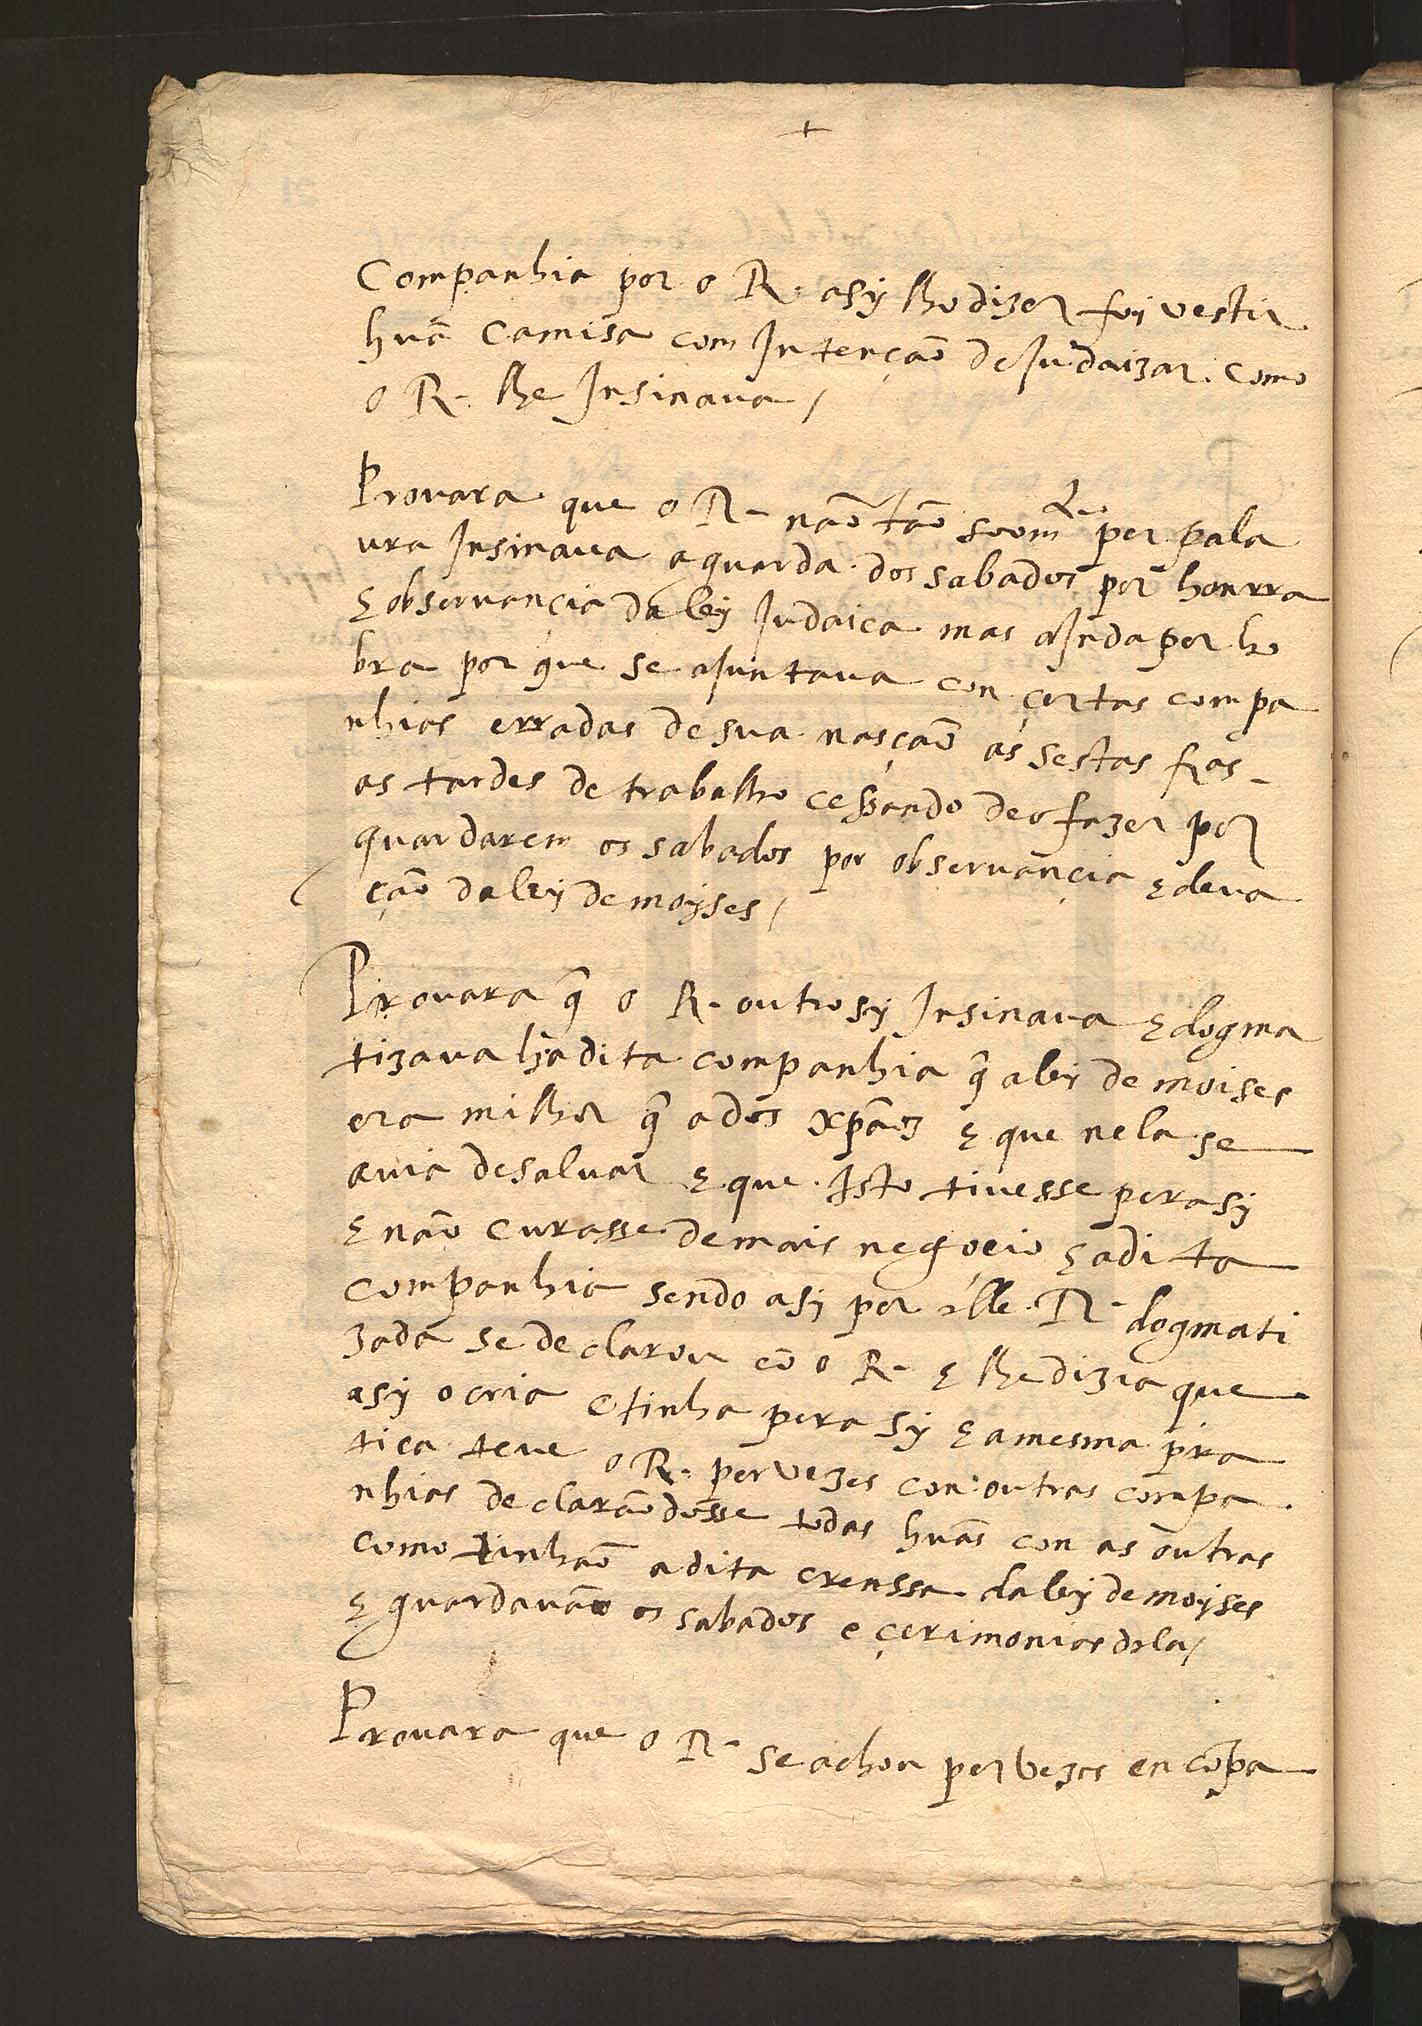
companhia por o R. asy lho dizer foy uestir
hu̅a camisa com Jntença̅o de judaizar como
o R. lhe Jnsinaua /
Prouara que o R. na̅o tão soomte per pala
ura Jnsinaua a guarda dos sabados por honrra
E obseruançia da ley judaica mas ajnda por ho
bra por que se ajuntaua con çertas compa
nhias erradas de sua nasça̅o as sestas fras
as tardes de trabalho cessando de o fazer por
guardarem os sabados por obseruançia E deua
ção da ley de moyses /
Prouara q̅ o R. outrosy Jnsinaua E dogma
tizaua ha dita companhia q̅ a ley de moises
era milhor q̅ a dos xpãos E que nela se
auia de saluar E que Jsto tiuesse pera sy
E não curasse de mais negoçio E a dita
companhia sendo asy por elle .R. dogmati
zada se declarou co̅ o R. E lhe dizia que
asy o cria e tinha pera sy E a mesma pra
tica teue o R. per vezes con outras compa
nhias declarão desse todas hu̅as con as outras
como tinhaõ a dita crenssa da ley de moyses
E guardauão os sabados e çerimonias dela /
Prouara que o R. se achou per vezes en co̅pa
